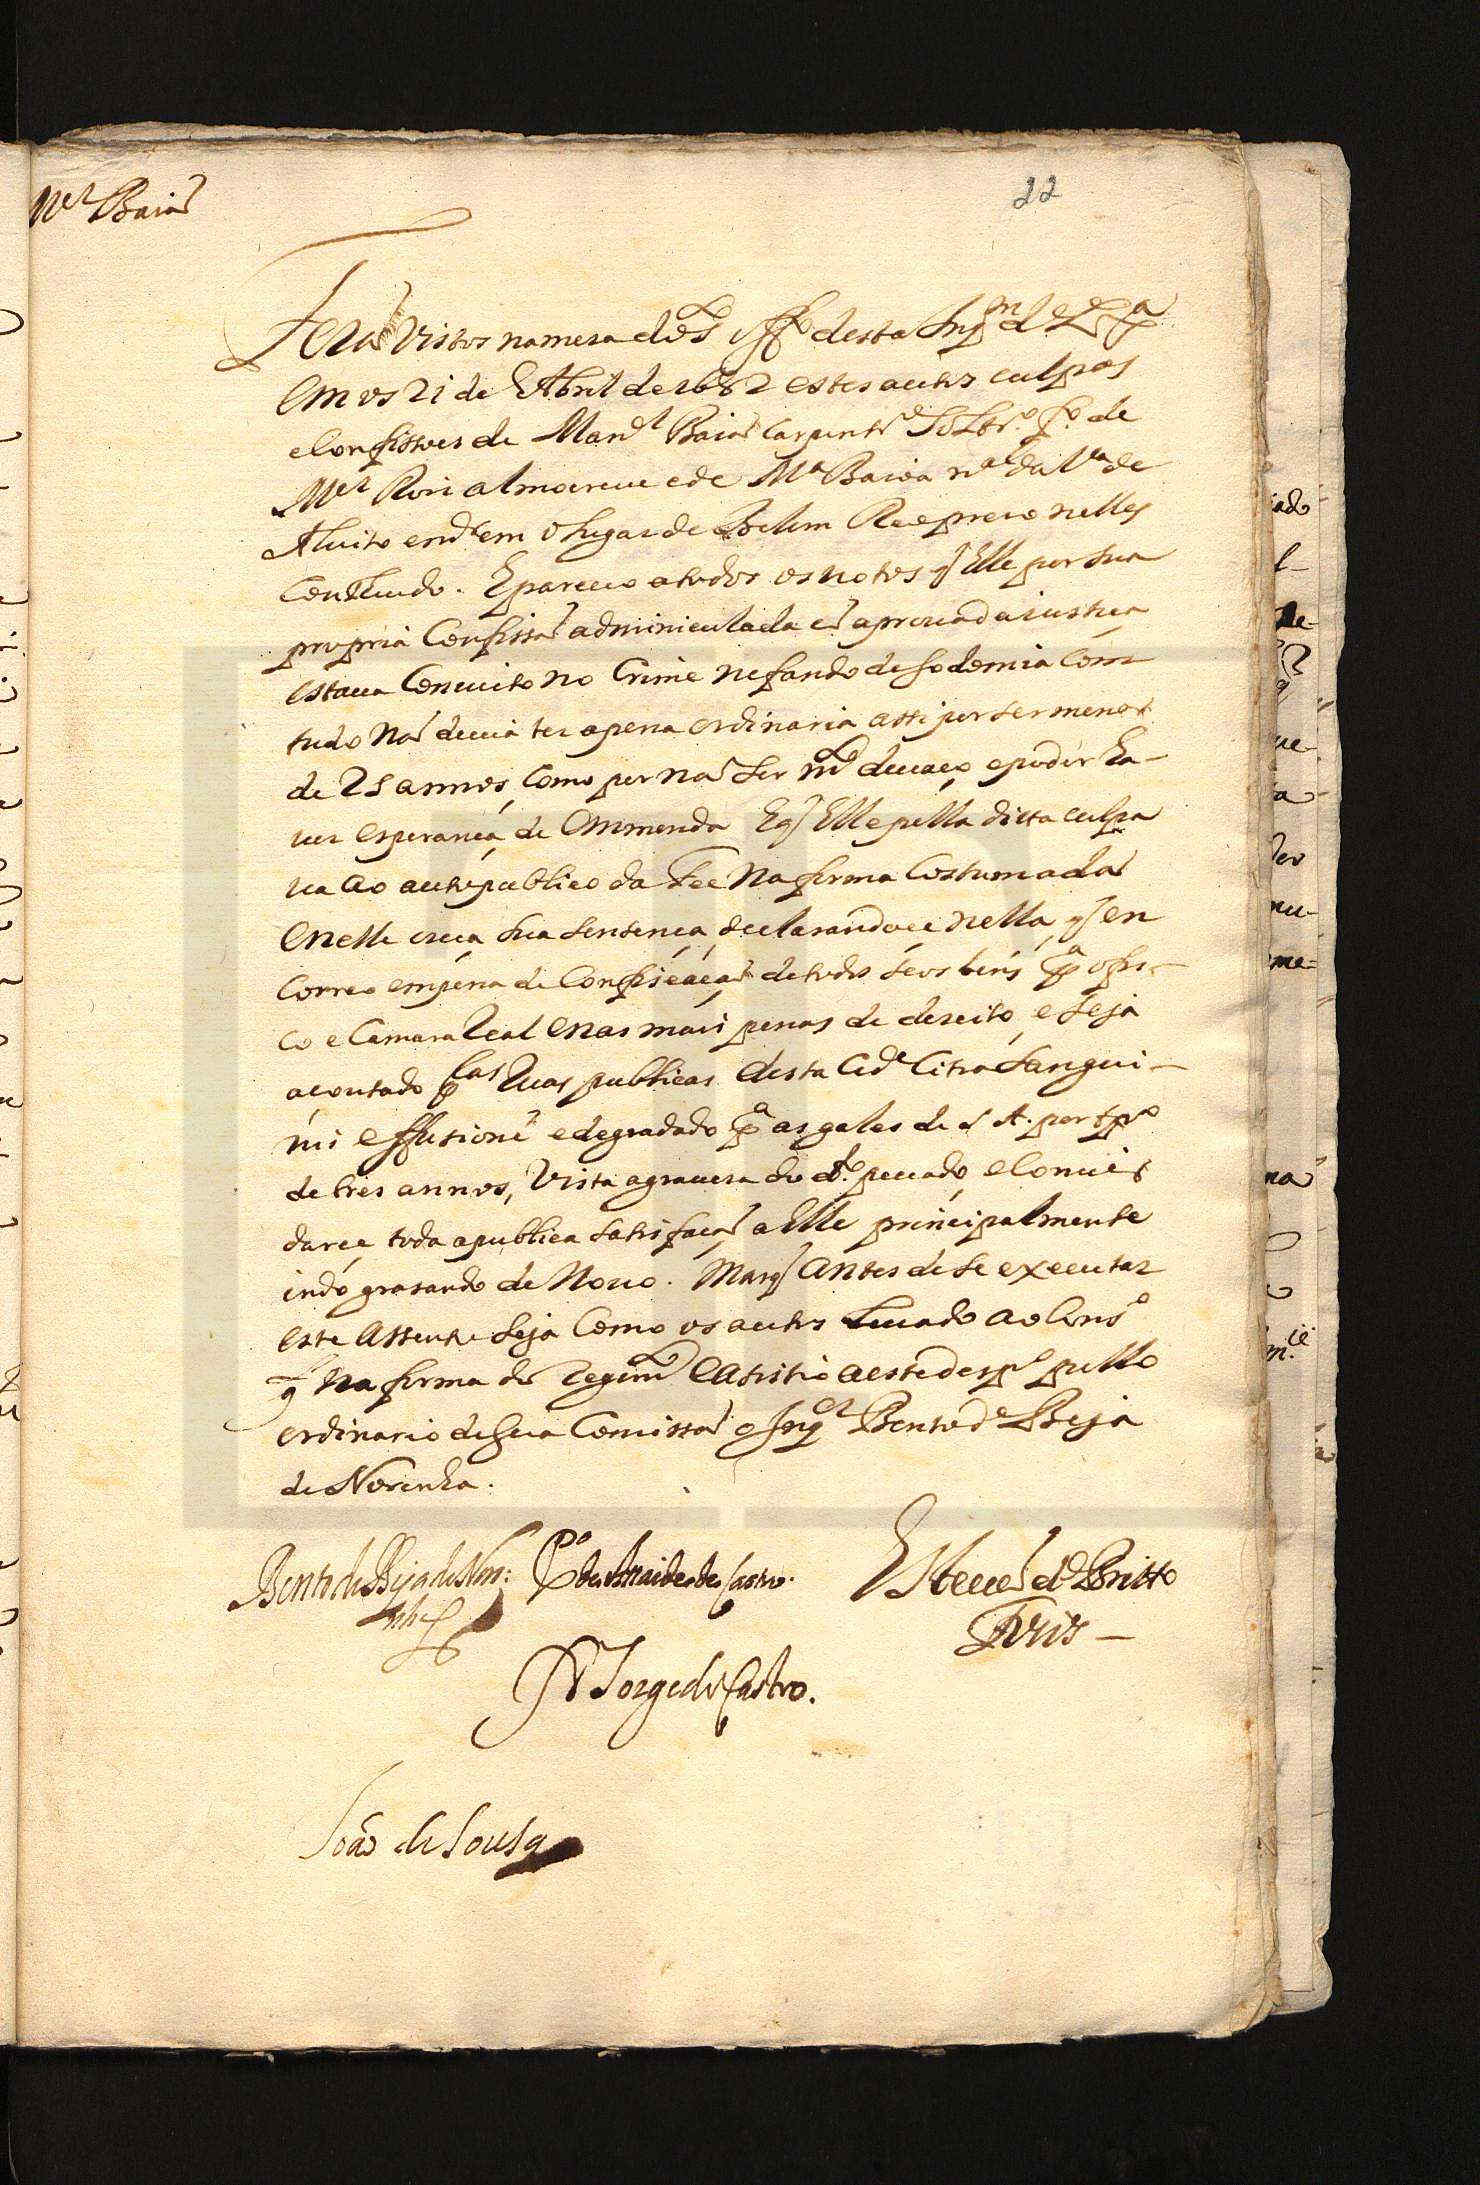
Mel Baiā
Foraõ vistos na meza do sto offo desta Inqm de Lxa
em os 2i de Abril de 1682 estes autos culpas
e Confissoes de Manel Baiā Carpintro soltr.o f.o de
Mel Roiz almocreue e de Ma Baioa nal da Va de
Aluito e mor em o lugar de Belem Reo prezo nelles
Contheudo. E pareceo a todos os uotos q̄ Elle por sua
propria Confissaõ adminiculada cō a proua da iustiça
estaua Conuicto no Crime nefando de sodomia com
tudo naõ deuia ter a pena ordinaria assi por ser menor
de 25 annos como por naõ ser mto deuaço e poder ha
uer esperança de Emmenda E q̄ Elle pella ditta culpa
ua ao auto publico da Fee na forma Costumada
e nelle ouça sua sentença, declarandoce nella, q̄ en
correo em pena de Confiscaçaõ de todos seos bens pa o fi
co e Camara Real e nas mais penas de dereito e seja
açoutado plas Ruas publicas desta Cide citra sangui
nis effusionē e degradado pa as gales de s A. por tpo
de tres annos, vista a graueza do d̄.o peccado, e conuir
darce toda a publica satisfaçaõ a Elle principalmente
indo grasando de Nouo. Mas q̄ antes de se executar
este assento seja Como os autos Leuado ao Conso
gl na forma do Regimto e asistio a este despo pello
ordinario de sua Comissā o Jnqor Bento de Beja
de Noronha.
Bento de Beja de Noro
nha
Po de Attaide de Castro
Esteuaõ de Britto
Foios
fr Iorge de Castro.
Ioão de Sousa
